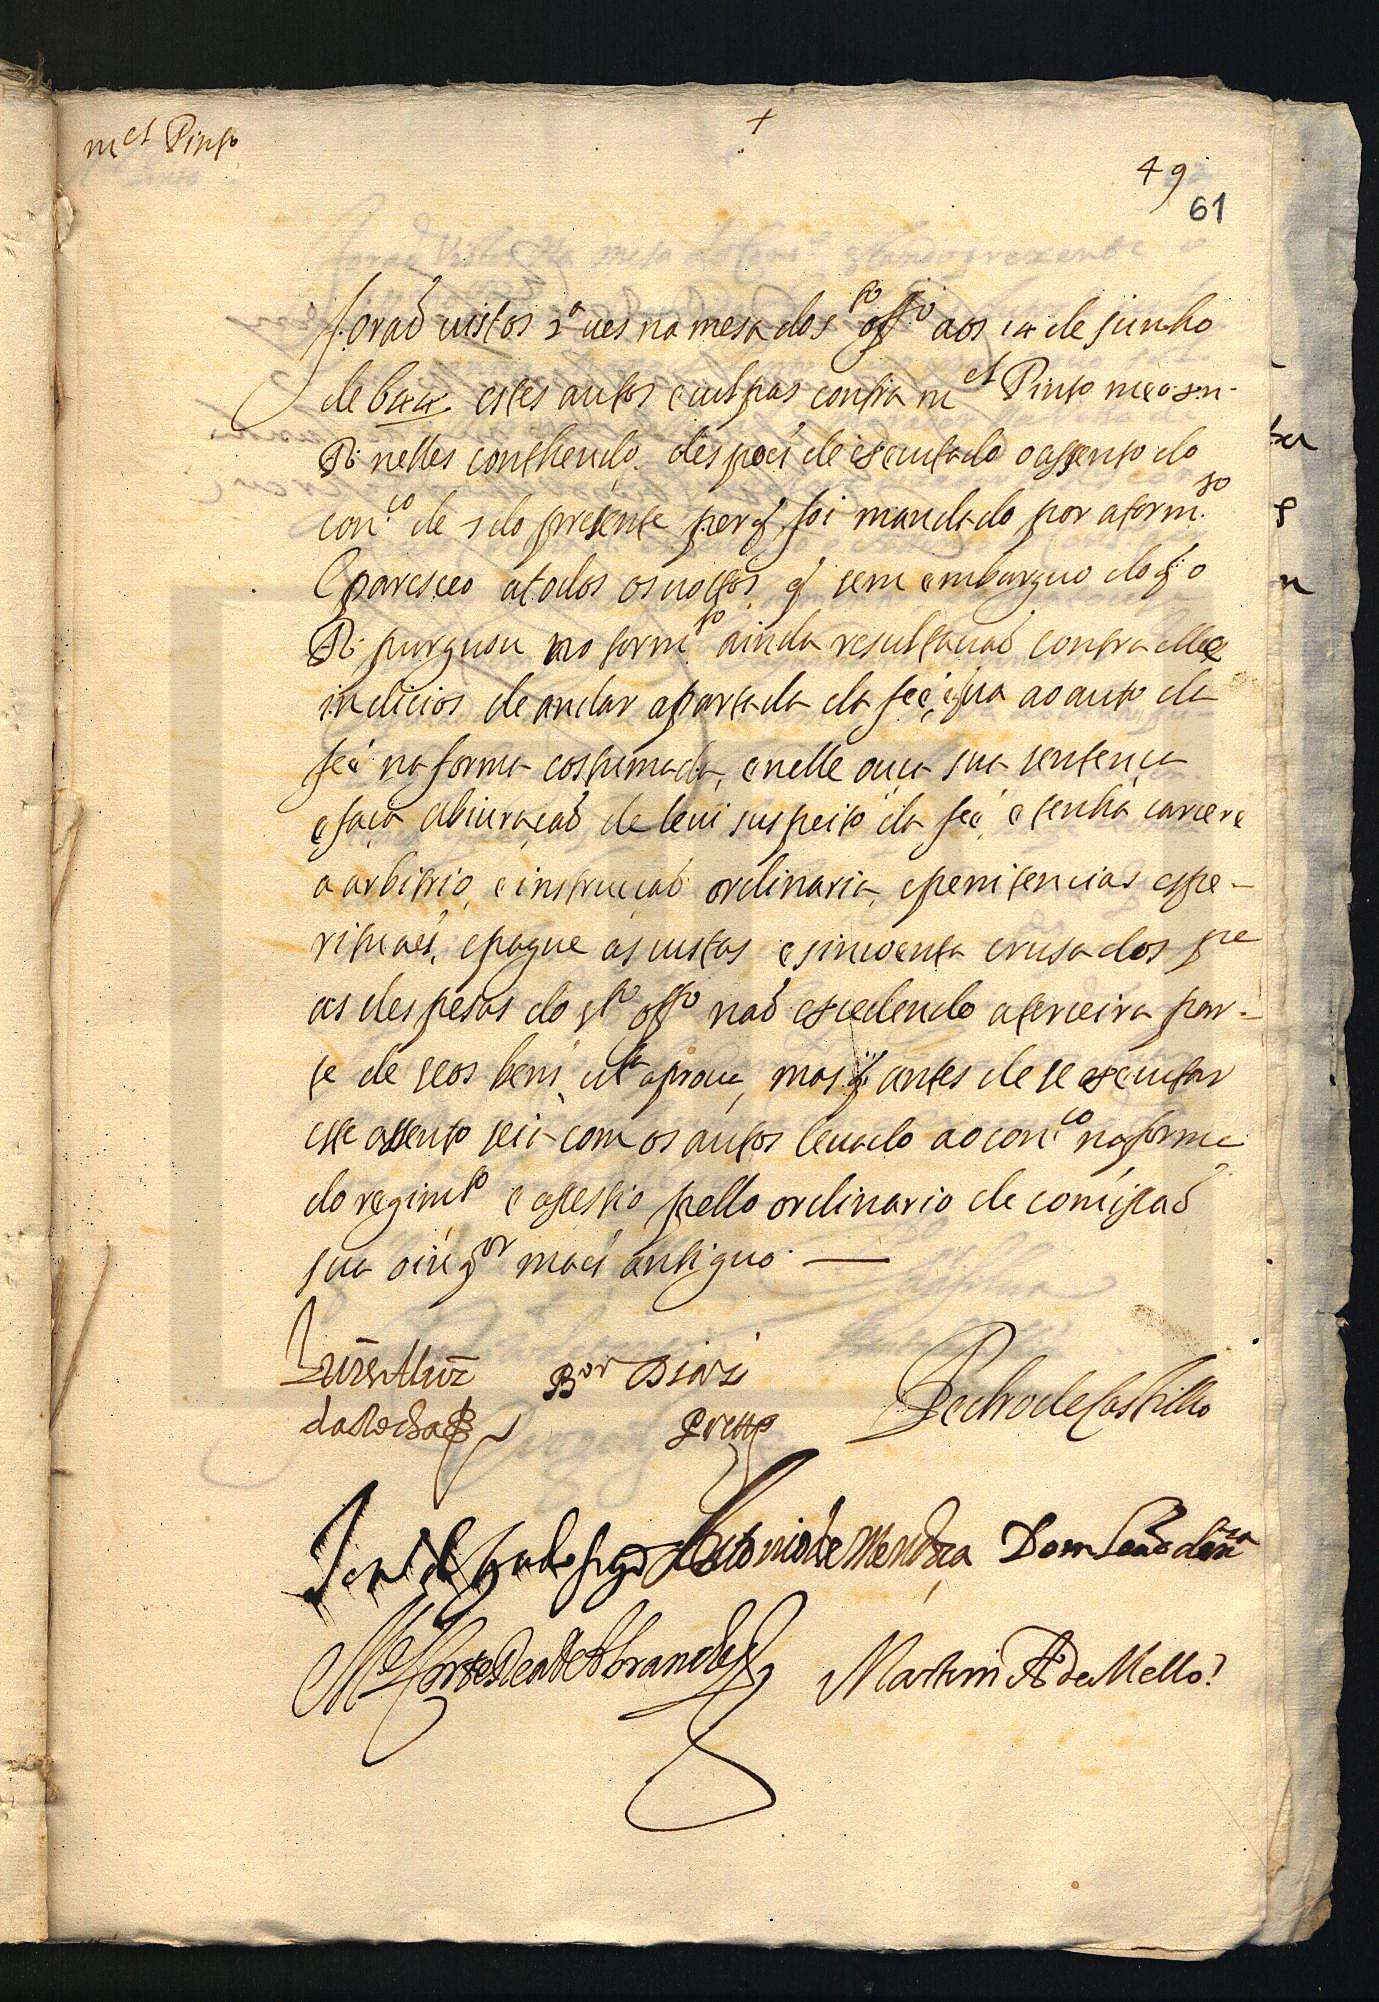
mel Pinto
foraõ uistos 2a ues na mesa do sto offo aos 14 de junho
de 644 estes autos e culpas contra mel Pinto meo x.n
R. nelles contheudo, despoes̄ de ixecutado o assento do
con.co de 7 do presente per q̄ foi mandado por a torm.to
E paresceo a todos os uottos q̄ sem embarguo do q̄ o
R. purguou no torm.to ainda resultauaõ contra elle
indicios de andar apartada da feé, e q̄ ua ao auto da
feé na forma costumada, e nelle ouça sua sentença
e faça abiuraçaõ de leui suspeito da feé, e tenha carcere
a arbitrio, e instrucçaõ ordinaria, e penitencias espe
rituaes̄, e pague as custas e sincoenta crusados pa
as despesas do sto offo naõ excedendo a terceira par
te de seos bens, uta a proua, mas q̄ antes de se executar
este assento seia com os autos leuado ao con.co na forma
do regimto e assestio pello ordinario de comissaõ
sua o inqor maes̄ antiguo.
